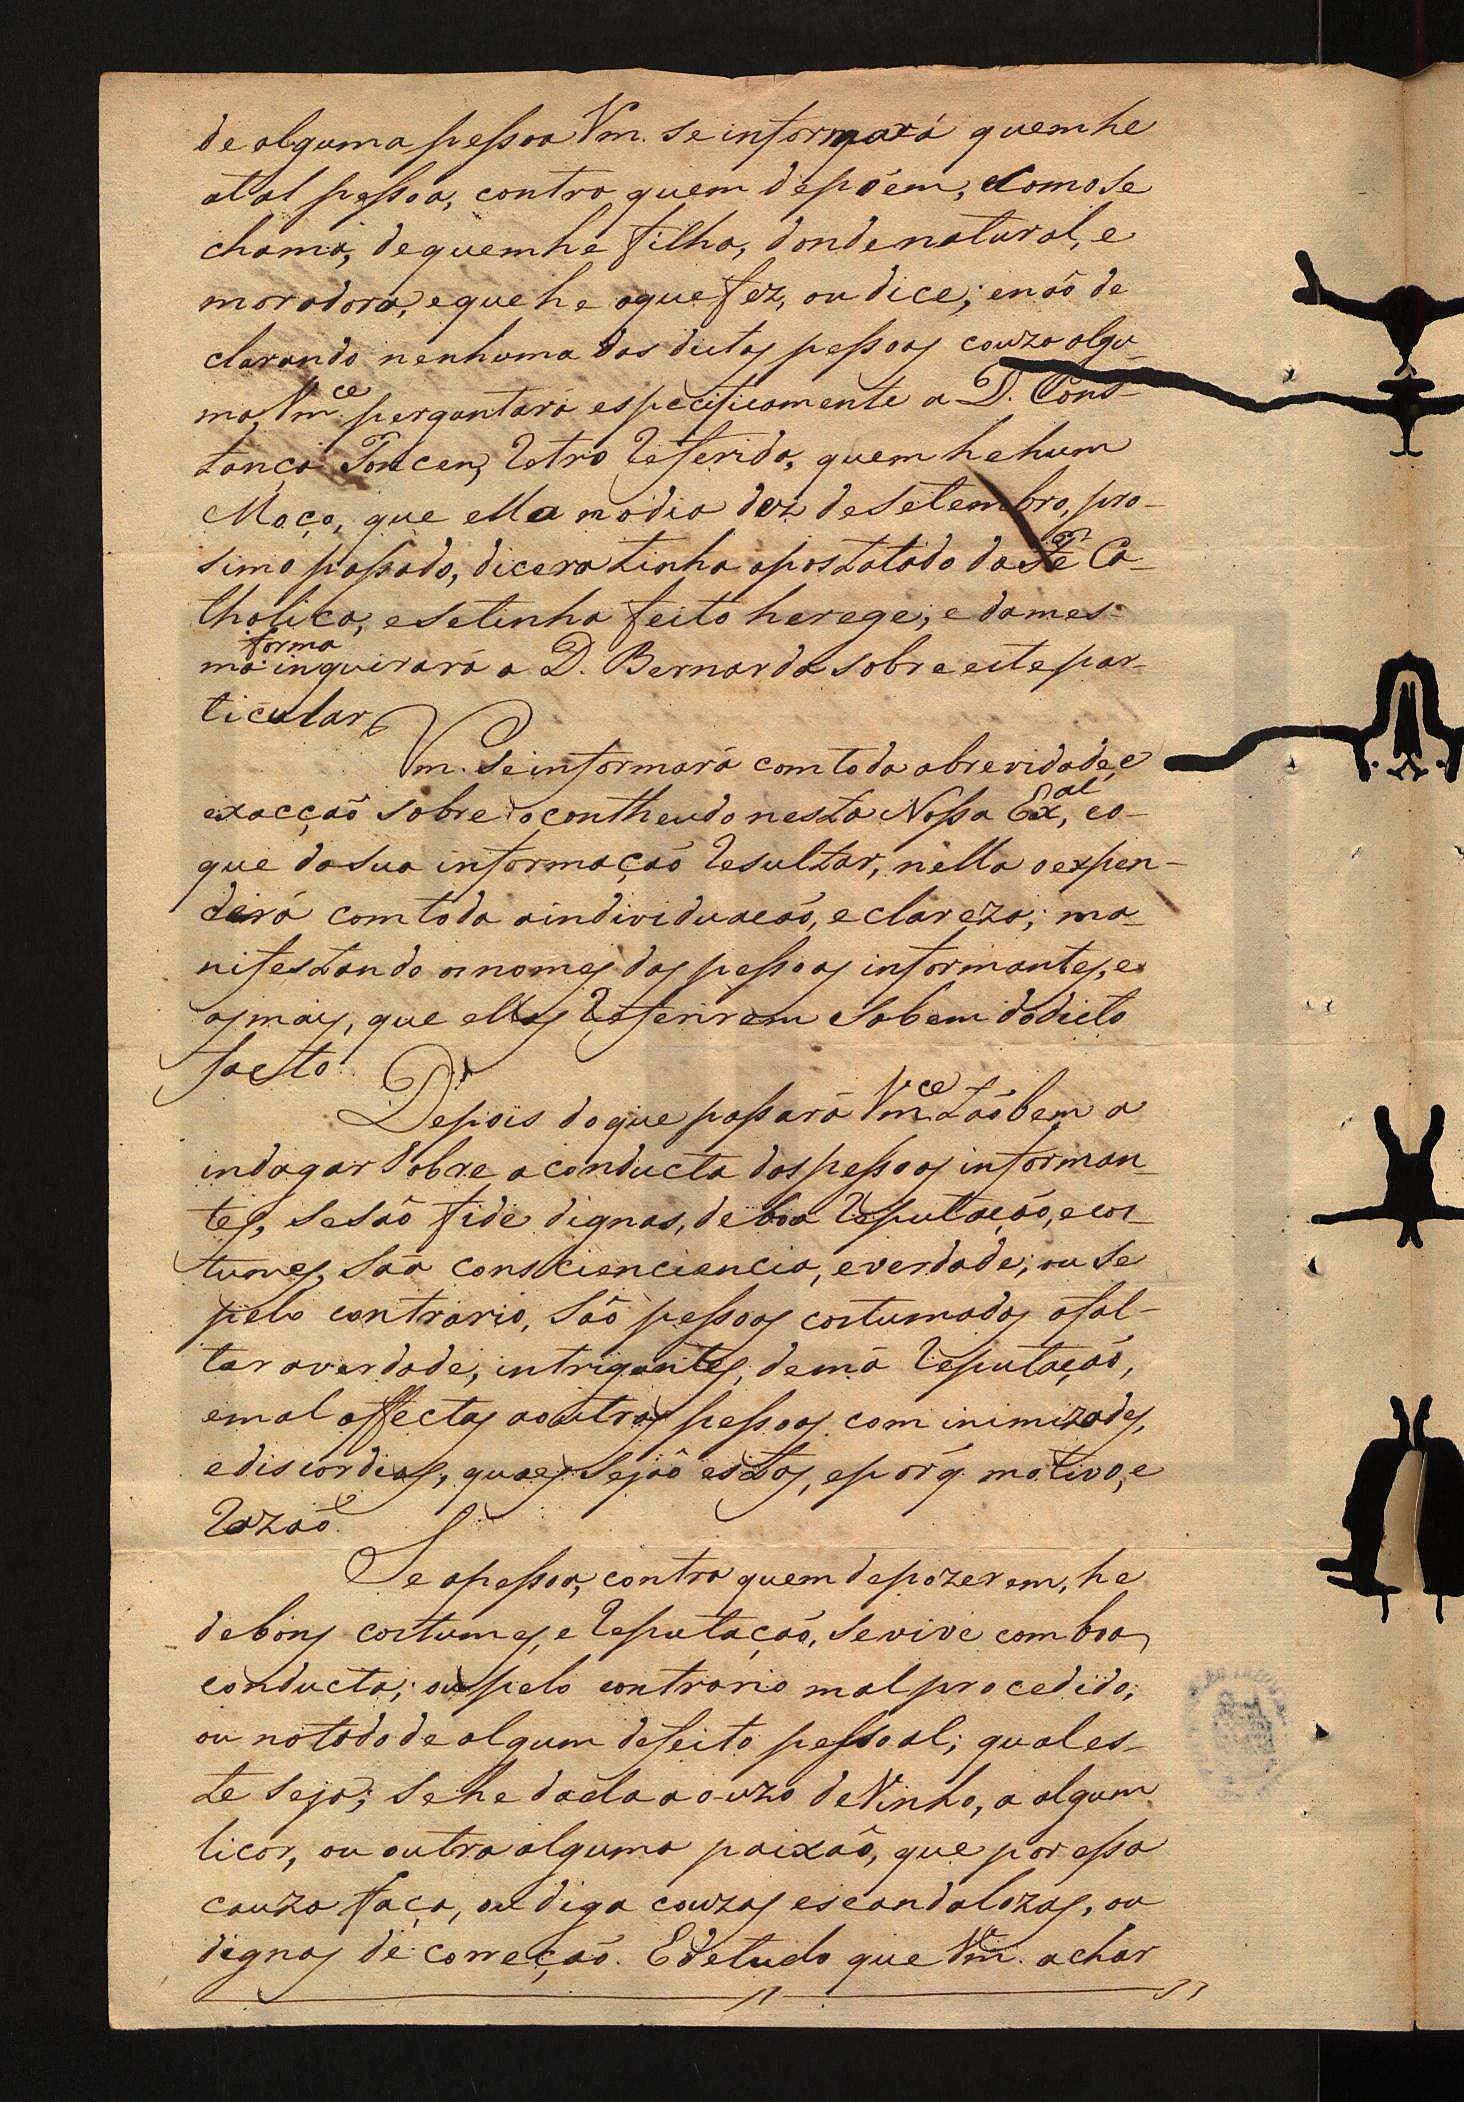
de alguma pessoa Vm. se informará quem he
a tal pessoa, contra quem depoẽm, e como se
chama, de quem he filha, donde natural, e
moradora, e que he o que fez, ou dice; e naõ de
clarando nenhuma das dictas pessoas couza algu
ma Vm.ce perguntará especificamente a D. Cons
tança Toncen, Retro Referida, quem he hum
Moço, que ella no dia dez de Setembro, pro
simo passado, dicera tinha apostatado da Fé Ca
tholica, e se tinha feito herege; e da mes
ma forma inquirará a D. Bernarda sobre este par
ticular
Vm. se informará com toda a brevidade, e
exacçaõ sobre o contheudo nesta Nossa Ex.al, e o
que da sua informaçaõ Resultar, nella o expen
derá com toda a individuaçaõ, e clareza; ma
nifestando os nomes das pessoas informantes, e
as mais, que ellas Referirem sabem do dicto
facto
Depois do que passará Vm.ce taõbem a
indagar sobre a conducta das pessoas informan
tes, se saõ fidedignas, de boa Reputaçaõ, e cos
tumes, saã conscienciencia, e verdade; ou se
pelo contrario, saõ pessoas costumadas a fal
tar a verdade, intrigantes, de má Reputaçaõ,
e mal affectas a outras pessoas com inimizades,
e discordias, quaes Sejaõ estas, e por q̄ motivo, e
Razaõ
Se a pessoa, contra quem depozerem, he
de bons costumes, e Reputaçaõ, se vive com boa
conducta; ou pelo contrario mal procedido;
ou notado de algum defeito pessoal; qual es
te seja, se he dada ao uzo de Vinho, a algum
licor, ou outra alguma paixaõ, que por essa
cauza faça, ou diga couzas escandalozas, ou
dignas de correçaõ. E de tudo que Vm. achar
